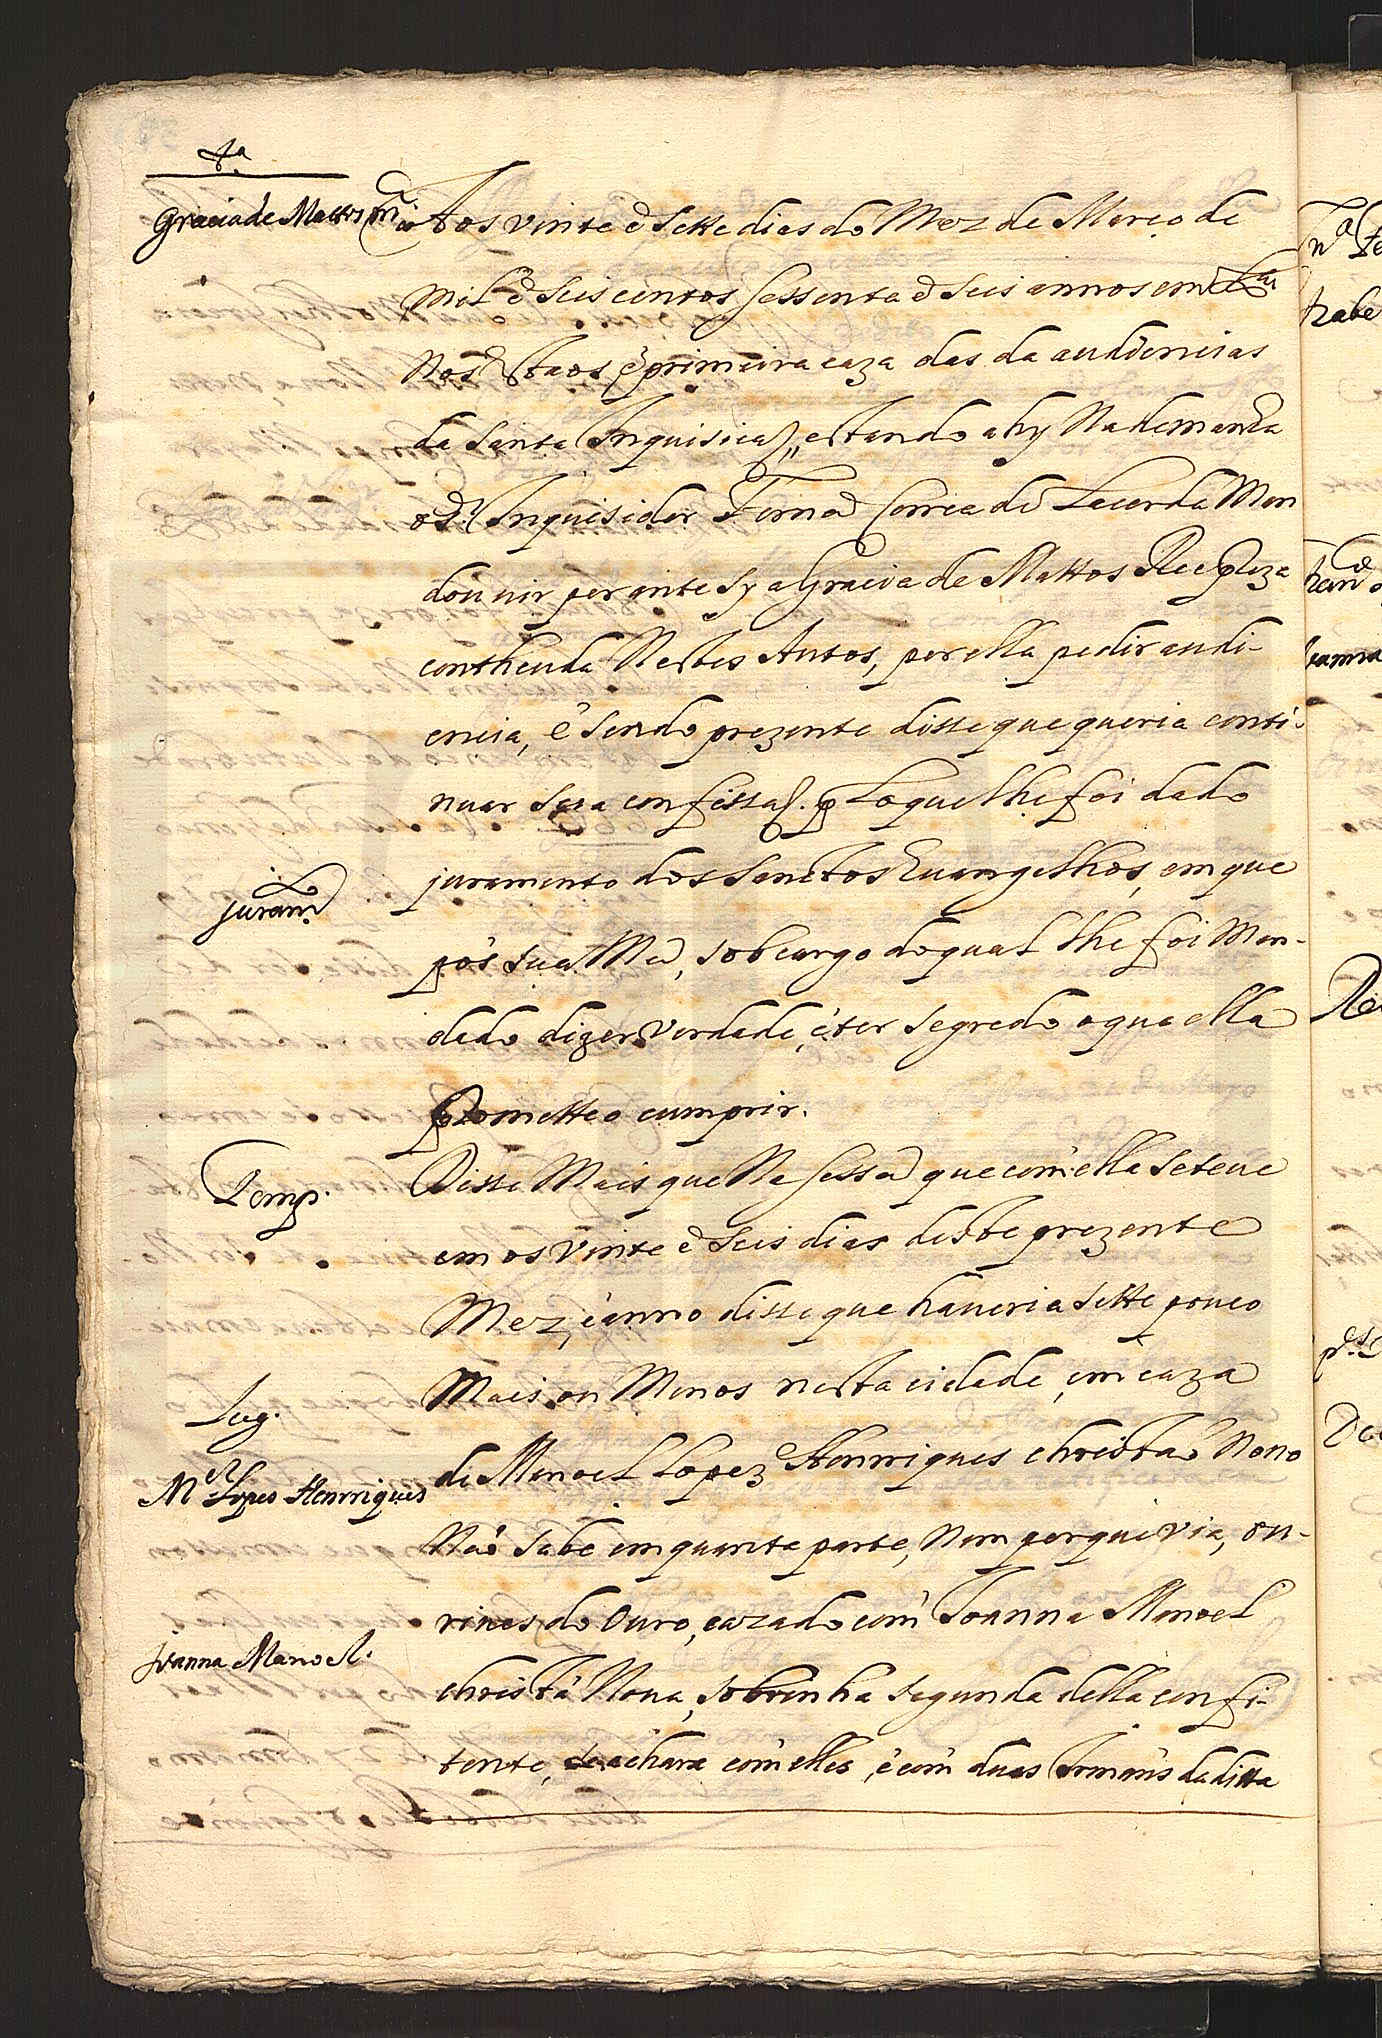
t.a
Gracia de Mattos mer
Aos vinte e sette dias do Mez de Março de
mil e seiscentos Sessenta e seis anos em Lxa
no Estaos e primeira caza das da audiencias
da santa Inquisicaꝭ,, estando ahy Na de manha
o sor. Inquisidor Fernā Correa de Lacerda Man
dou uir perante sy a Gracia de Mattos Ree p̄reza
contheuda Nestes Autos, por ella pedir audi
encia, e sendo prezente disse que queria conti
nuar sua confissaõ. p̄Lo que lhe foi dado
juramento dos sanctos Euangelhos, em que
juramto
pos̄ sua Mā, sob cargo do qual lhe foi Man
dado dizer verdade, e ter segredo o que ella
p̄rometteo cumprir.
Disse Mais que Na Sessā que com ella se teue
Temp.
em os vinte e seis dias deste prezente
Meza, e anno disse que haueria sette pouco
Mais ou Menos nesta cidade, em caza
Lug.
de Manoel lopes Henrriques christão nouo
M.el Lopes Henrriques
Naõ sabe em quanta parte, Nem por que via, ou
riues do Ouro, cazado com Ioanna Manoel
Joanna Manoel.
christā Noua, sobrinha segunda della confi
tente, se achara com elles, e com duas Irmans da ditta
